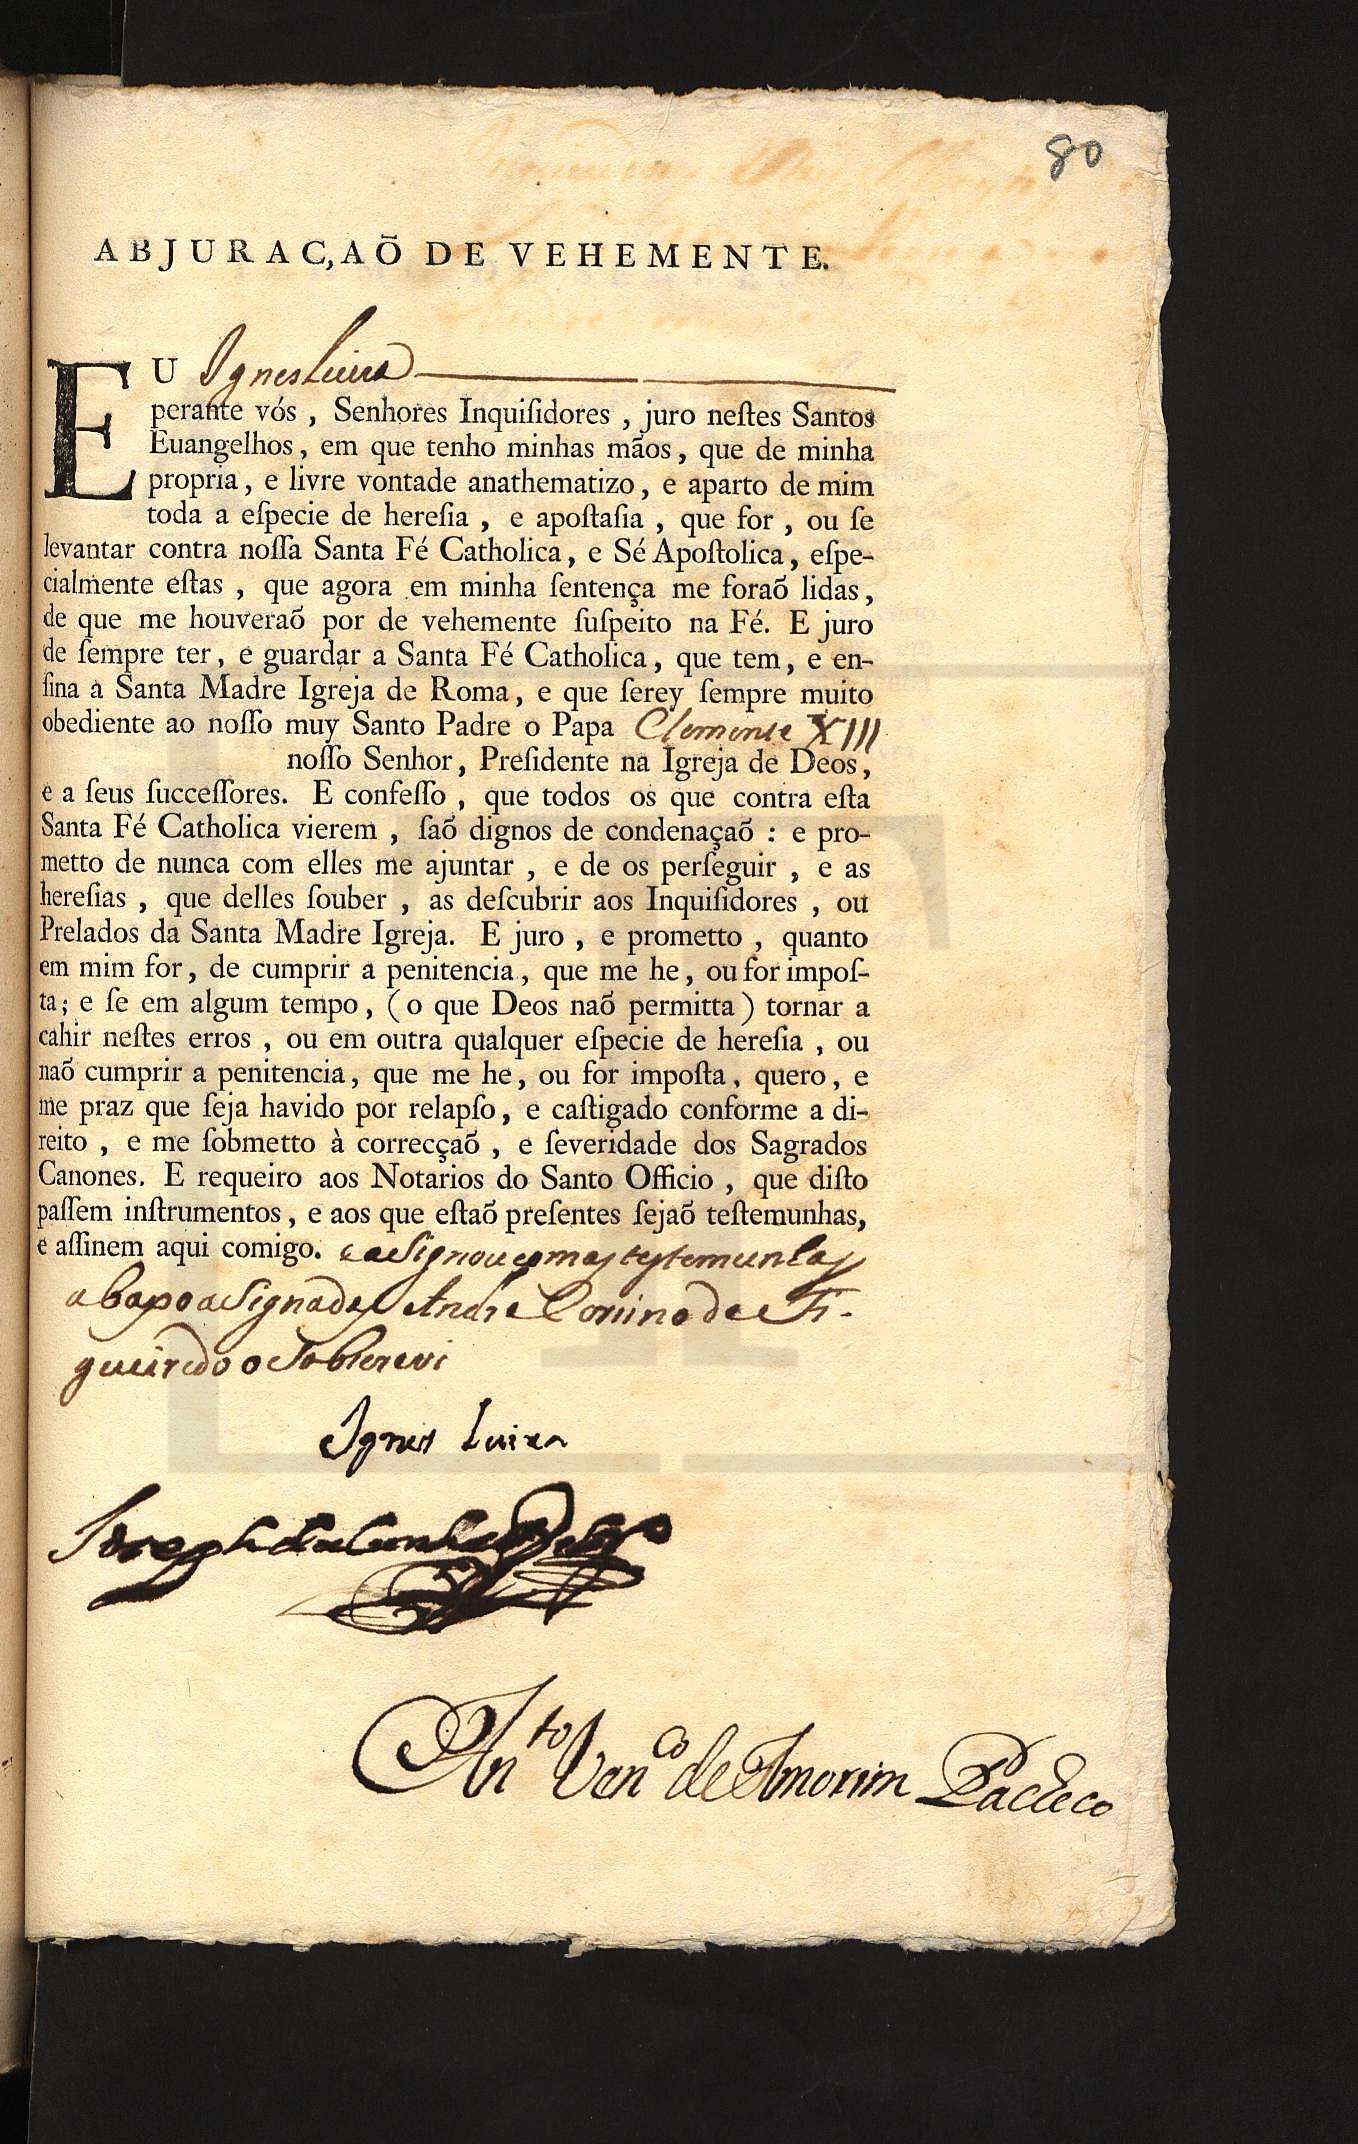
ABJURAÇAÕ DE VEHEMENTE.
U Ignes Luiza
perante vós, Senhores Inquisidores, juro nestes Santos
Euangelhos, em que tenho minhas mãos, que de minha
propria, e livre vontade anathematizo, e aparto de mim
toda a especie de heresia, e apostasia, que for, ou se
levantar contra nossa Santa Fé Catholica, e Sé Apostolica, espe
cialmente estas, que agora em minha sentença me foraõ lidas,
de que me houveraõ por de vehemente suspeito na Fé. E juro
de sempre ter, e guardar a Santa Fé Catholica, que tem, e en
sina a Santa Madre Igreja de Roma, e que serey sempre muito
obediente ao nosso muy Santo Padre o Papa Clemente XIII
nosso Senhor, Presidente na Igreja de Deos,
e a seus successores. E confesso, que todos os que contra esta
Santa Fé Catholica vierem, saõ dignos de condenaçaõ: e pro
metto de nunca com elles me ajuntar, e de os perseguir, e as
heresias, que delles souber, as descubrir aos Inquisidores, ou
Prelados da Santa Madre Igreja. E juro, e prometto, quanto
em mim for, de cumprir a penitencia, que me he, ou for impos
ta; e se em algum tempo, (o que Deos naõ permitta) tornar a
cahir nestes erros, ou em outra qualquer especie de heresia, ou
naõ cumprir a penitencia, que me he, ou for imposta, quero, e
me praz que seja havido por relapso, e castigado conforme a di
reito, e me sobmetto à correcçaõ, e severidade dos Sagrados
Canones. E requeiro aos Notarios do Santo Officio, que disto
passem instrumentos, e aos que estaõ presentes sejaõ testemunhas,
e assinem aqui comigo. e aSignou com as testemunhas
abaxo asignadas Andre Corsino de Fi
gueiredo o Sobscrevi
Ignes Luiza
Iozeph da Cunha
Anto Venco de Amorim Pacheco
